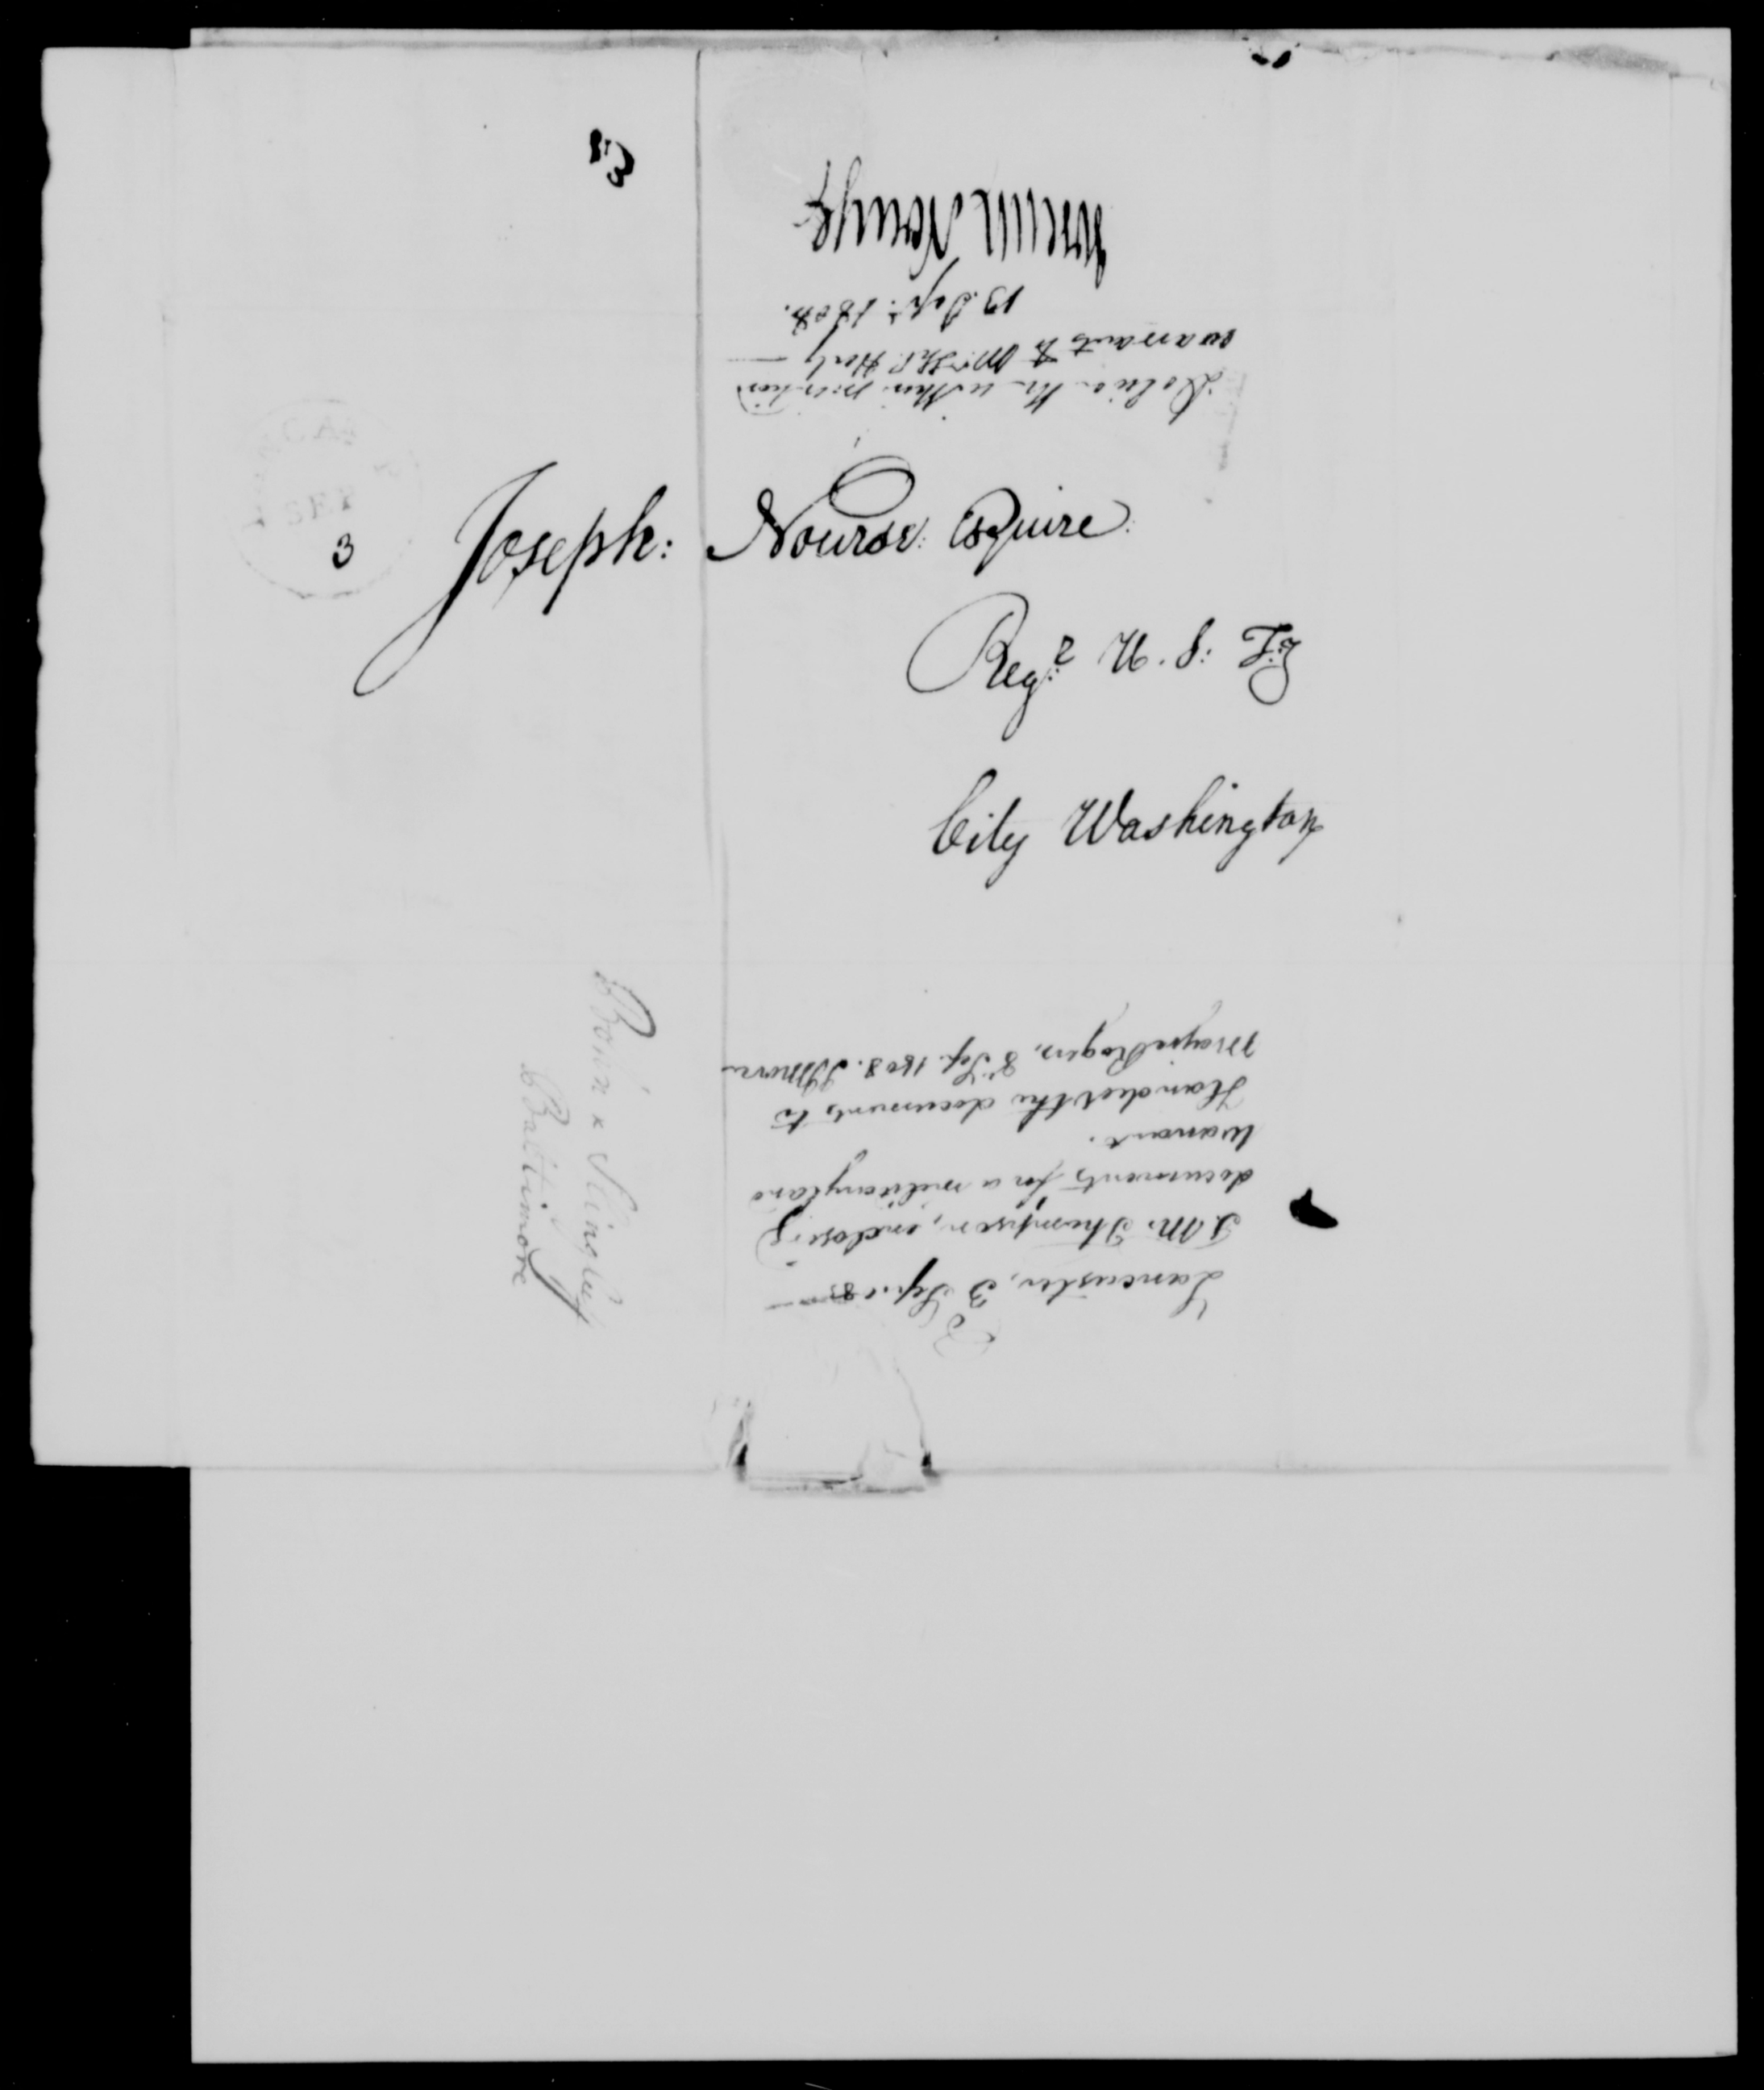Deliver the within mentioned warrants to Mr. Th’s Hertz
17 Sept 1808
Joseph Nourse
[stamp] LANCASTER SEP 3
Joseph Nourse Esqr
Reg’r H. S. Tg
City Washington
Bohn & Slingley
Baltimore
Lancaster 3 Sept 83
T. M. Thompson, enclosing documents for military land warrant.
handed the documents to Major Rogers 8 Sept 1808  J. J. Moore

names: Rogers, J J Moore, T M Thompson, Joseph Nourse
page: 12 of 13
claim: bounty land warrant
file: B. L. Wt. 428-200, Marcus Young, Penn.